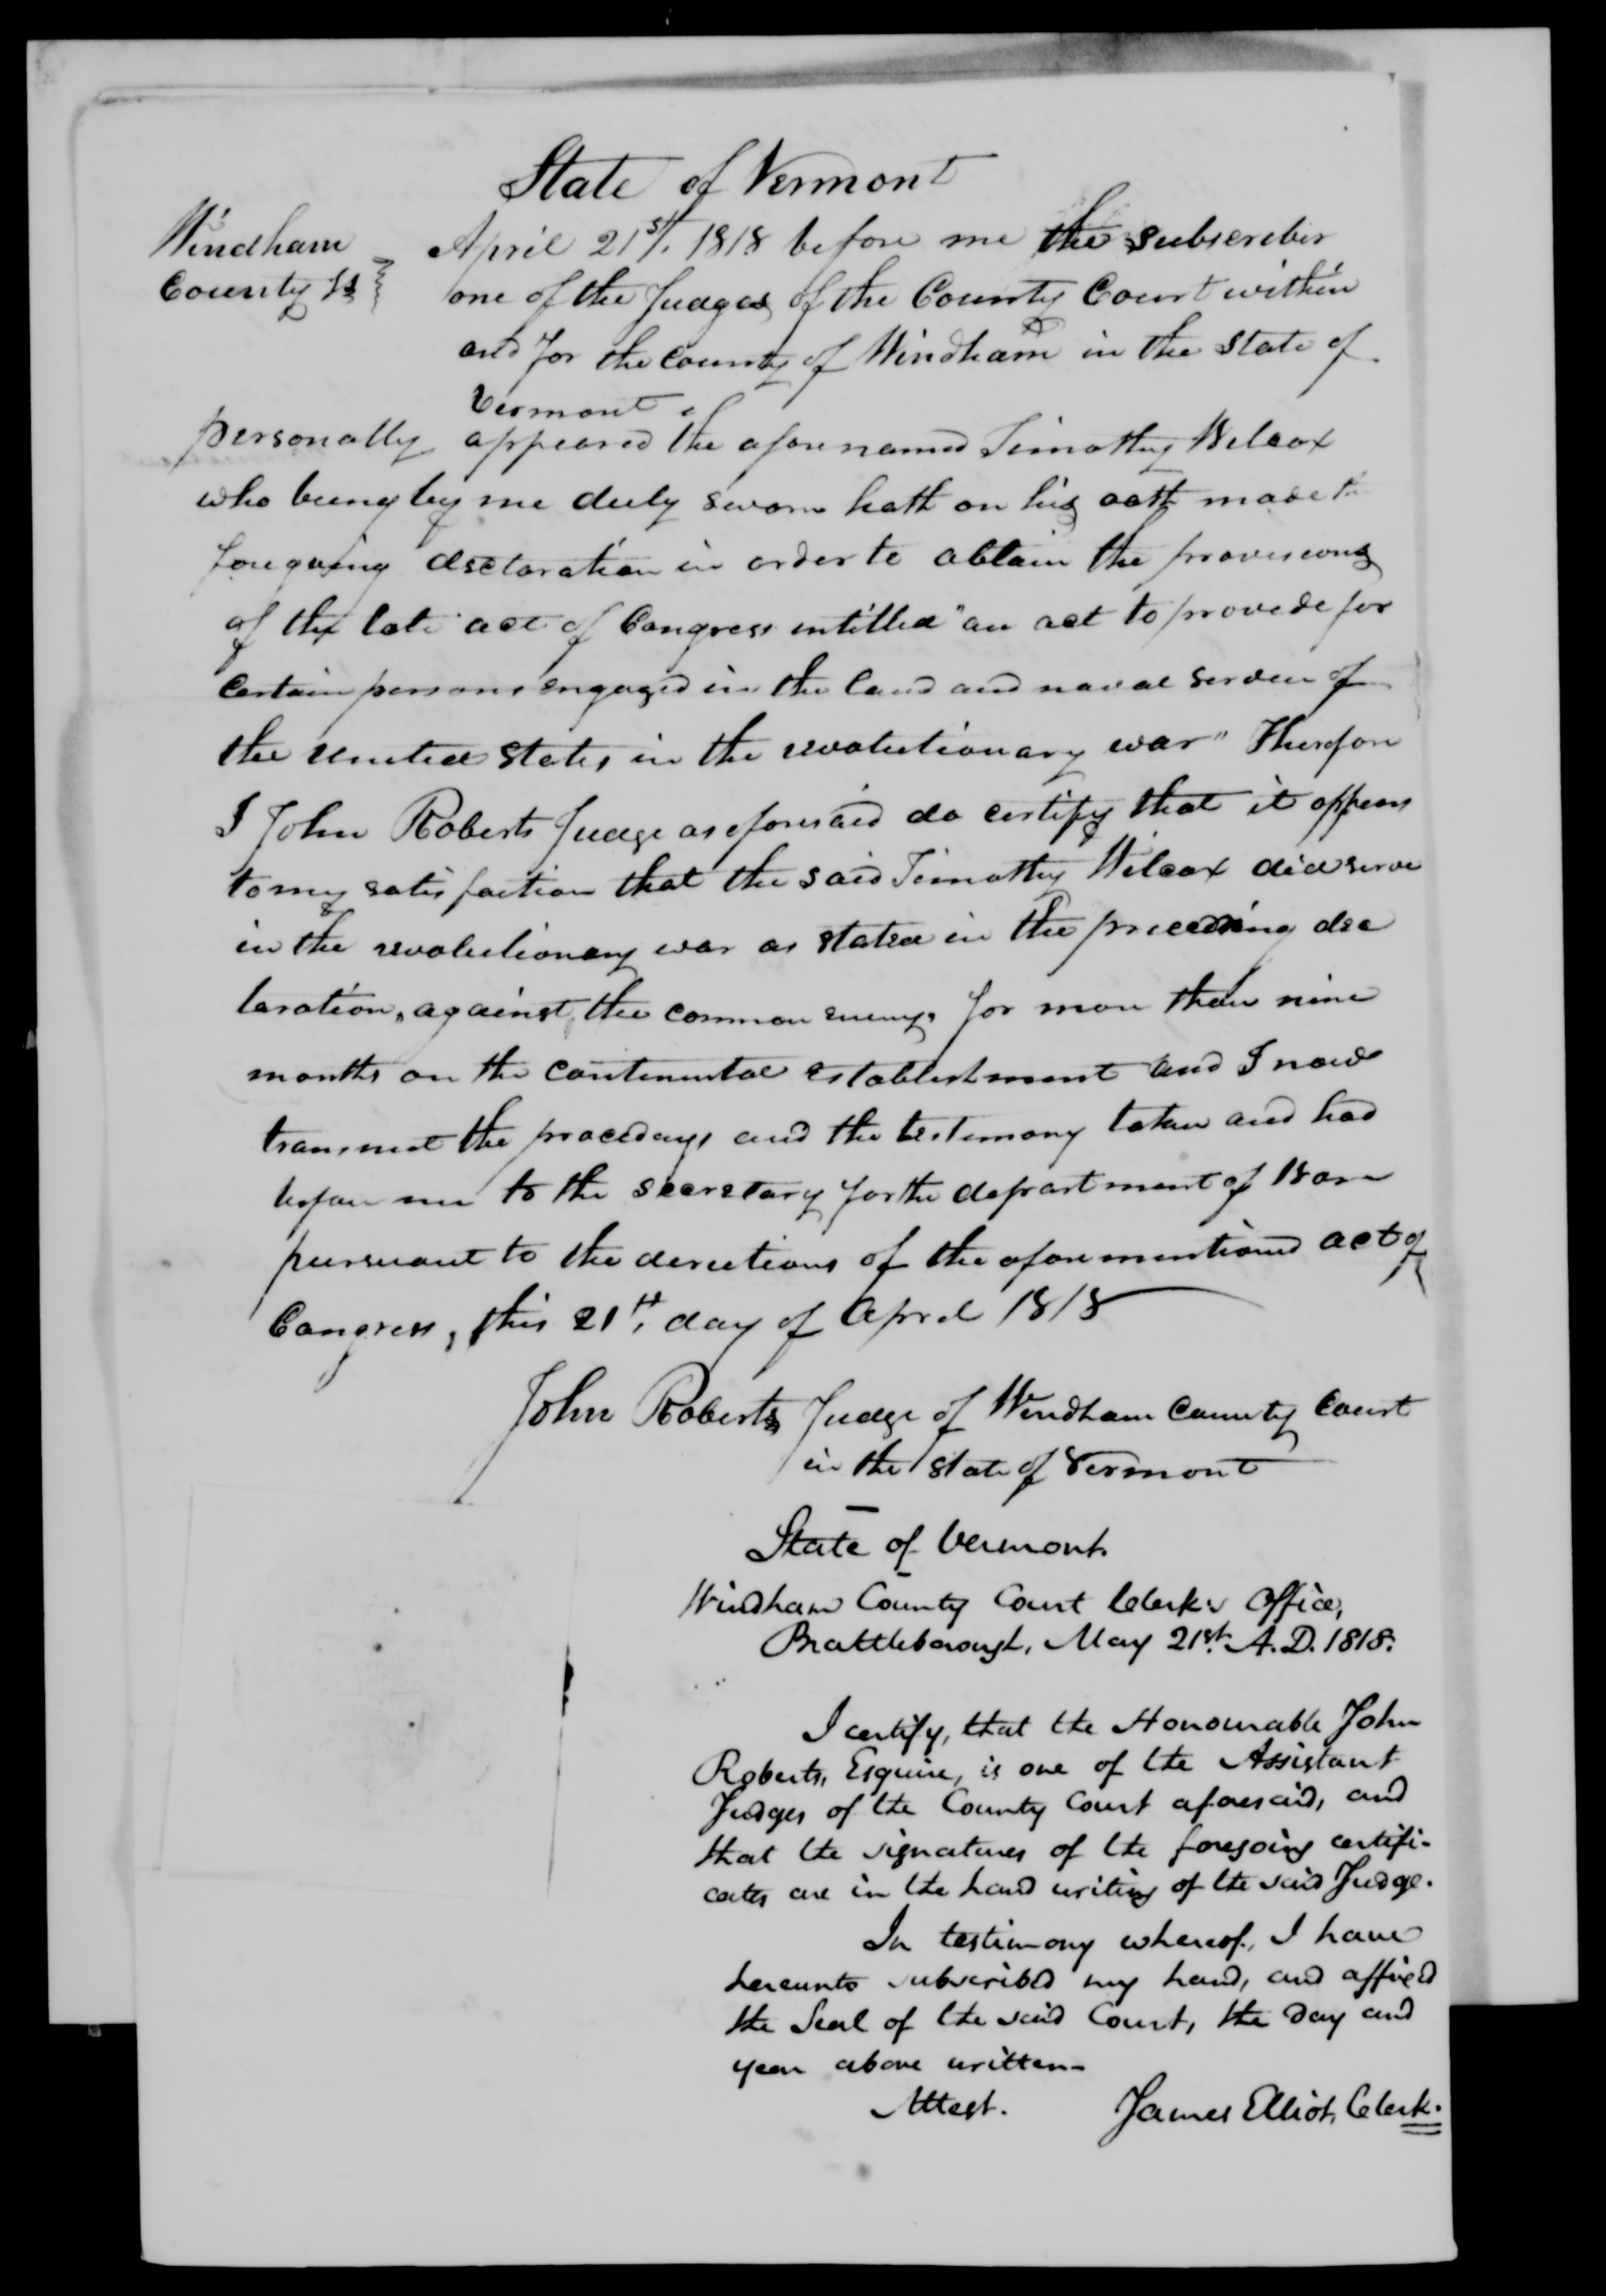State of Vermont
Windham
County ss.
April 21th 1818 before me the subscriber
one of the Judges of the County Court within
and for the County of Windham in the State of
Vermont of
personally appeared the aforenamed Timothy Wilcox
who being by me duly sworn hath on his oath made the
foregoing declaration in order to obtain the provisions
of the late act of Congress entitled "an act to provide for
certain persons engaged in the land and naval service of
the United States in the revolutionary war" Therefore
I John Roberts Judge as aforesaid do certify that it appears
to my satisfaction that the said Timothy Wilcox did serve
in the revolutionary war as stated in the preceding declaration against the commencing for more than nine
months on the continental establishment and I now
transmit the proceedings and the testimony taken and had
before me to the Secretary for the department of War
pursuant to the directions of the aforementioned act of
Congress, this 21st day of April 1818
John Roberts Judge of Windham County Court
in the State of Vermont

State of Vermont
Windham County Court Clerks Office
Brattleborough, May 21st A.D. 1818.

I certify, that the Honourable John
Roberts, Esquire, is one of the Assistant
Judges of the County Court aforesaid, and
that the signatures of the foregoing certificate
cates are in the hand writing of the said Judge
In testimony whereof, I have
hereunto subscribed my hand and affixed
the Seal of the said Court, the day and
year above written
James Elliot Clerk
Attest.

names: John Roberts, James Elliot, Timothy Wilcox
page: 7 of 15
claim: survivor's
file: S. 41336, Timothy Willcox, Conn. Continental